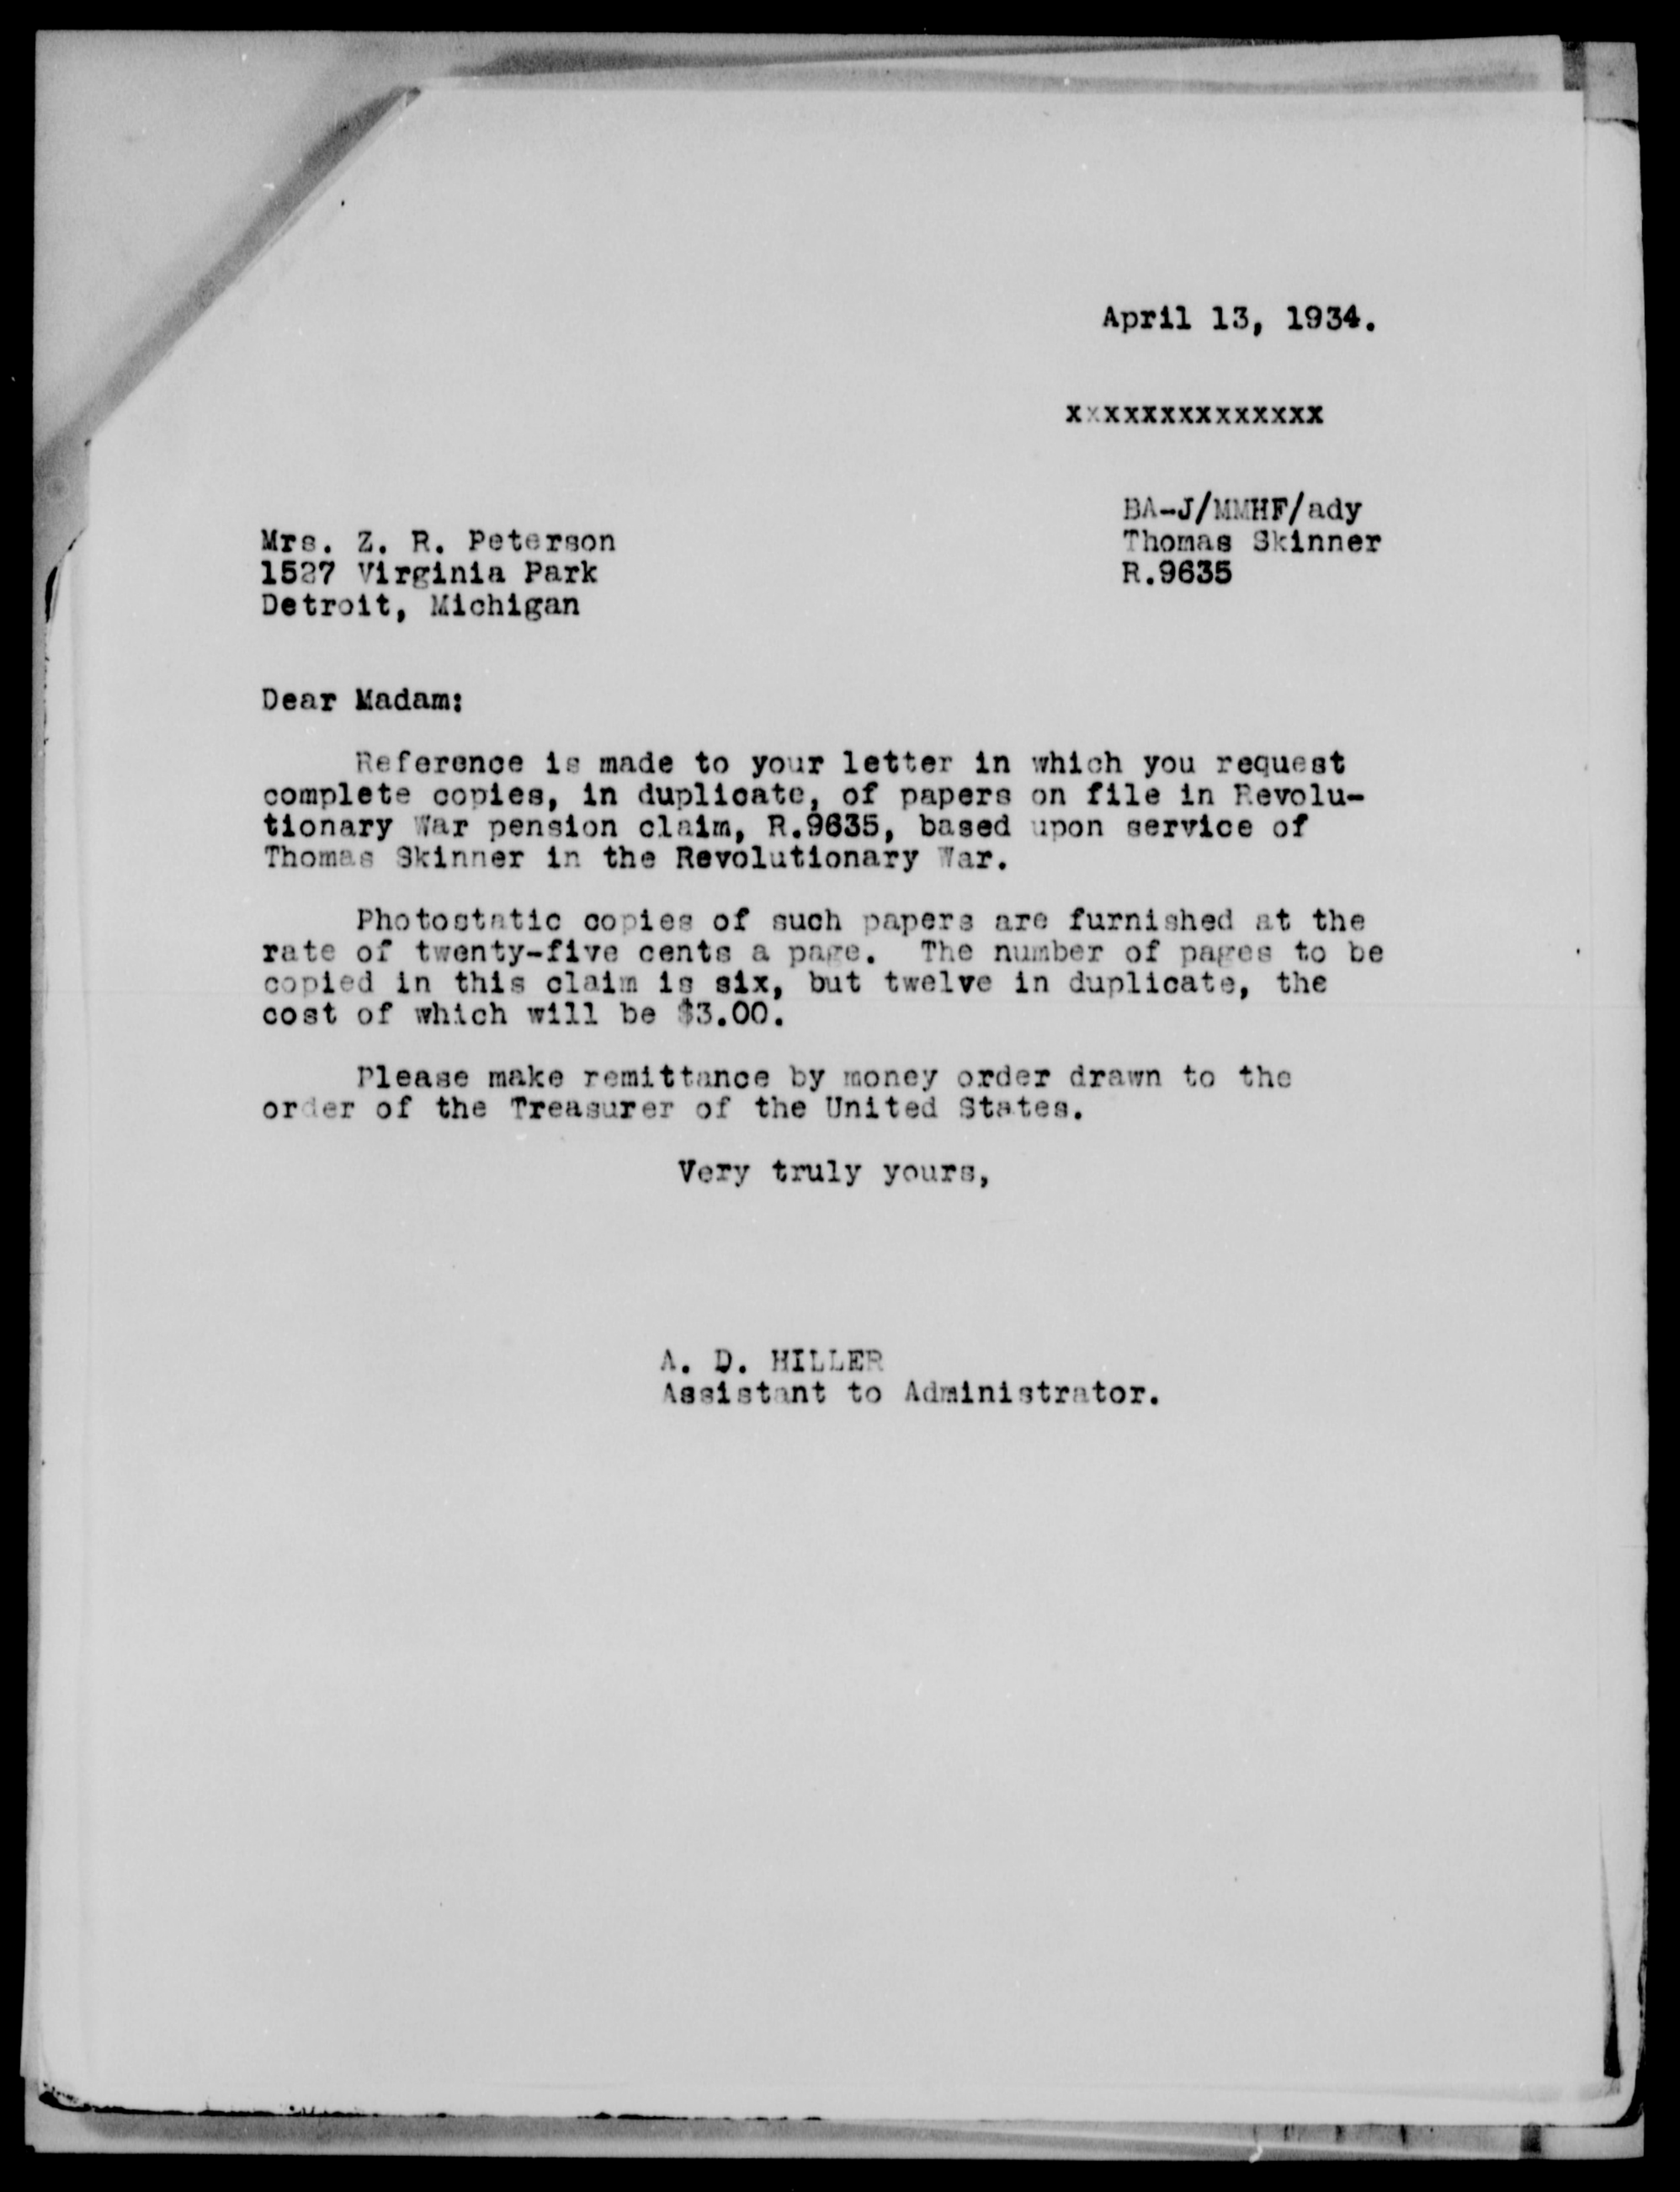April 13, 1934.

XXXXXXXXXXXXXX

BA-J/MMHF/ady
Thomas Skinner
R. 9635

Mrs. Z. R. Peterson
1527 Virginia Park
Detroit, Michigan

Dear Madam:

Reference is made to your letter in which you request complete copies, in duplicate of papers on file in Revolu-tionary War pension claim, R.9635, based upon service of Thomas Skinner in the Revolutionary War.

Photostatic copies of such papers are furnished at the rate of twenty-five cents a page. The number of pages to be copied in this claim is six, but twelve in duplicate, the
cost of which will be $3.00.

Please make remittance by money order drawn to the order of the Treasurer of the United States.

Very truly yours,

A. D. HILLER
Assistant to Administrator.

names: Thomas Skinner; Thomas Skinner; Z R Peterson; A D Hiller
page: 26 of 33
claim: rejected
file: R. 9635, for Thomas Skinner, Delaware